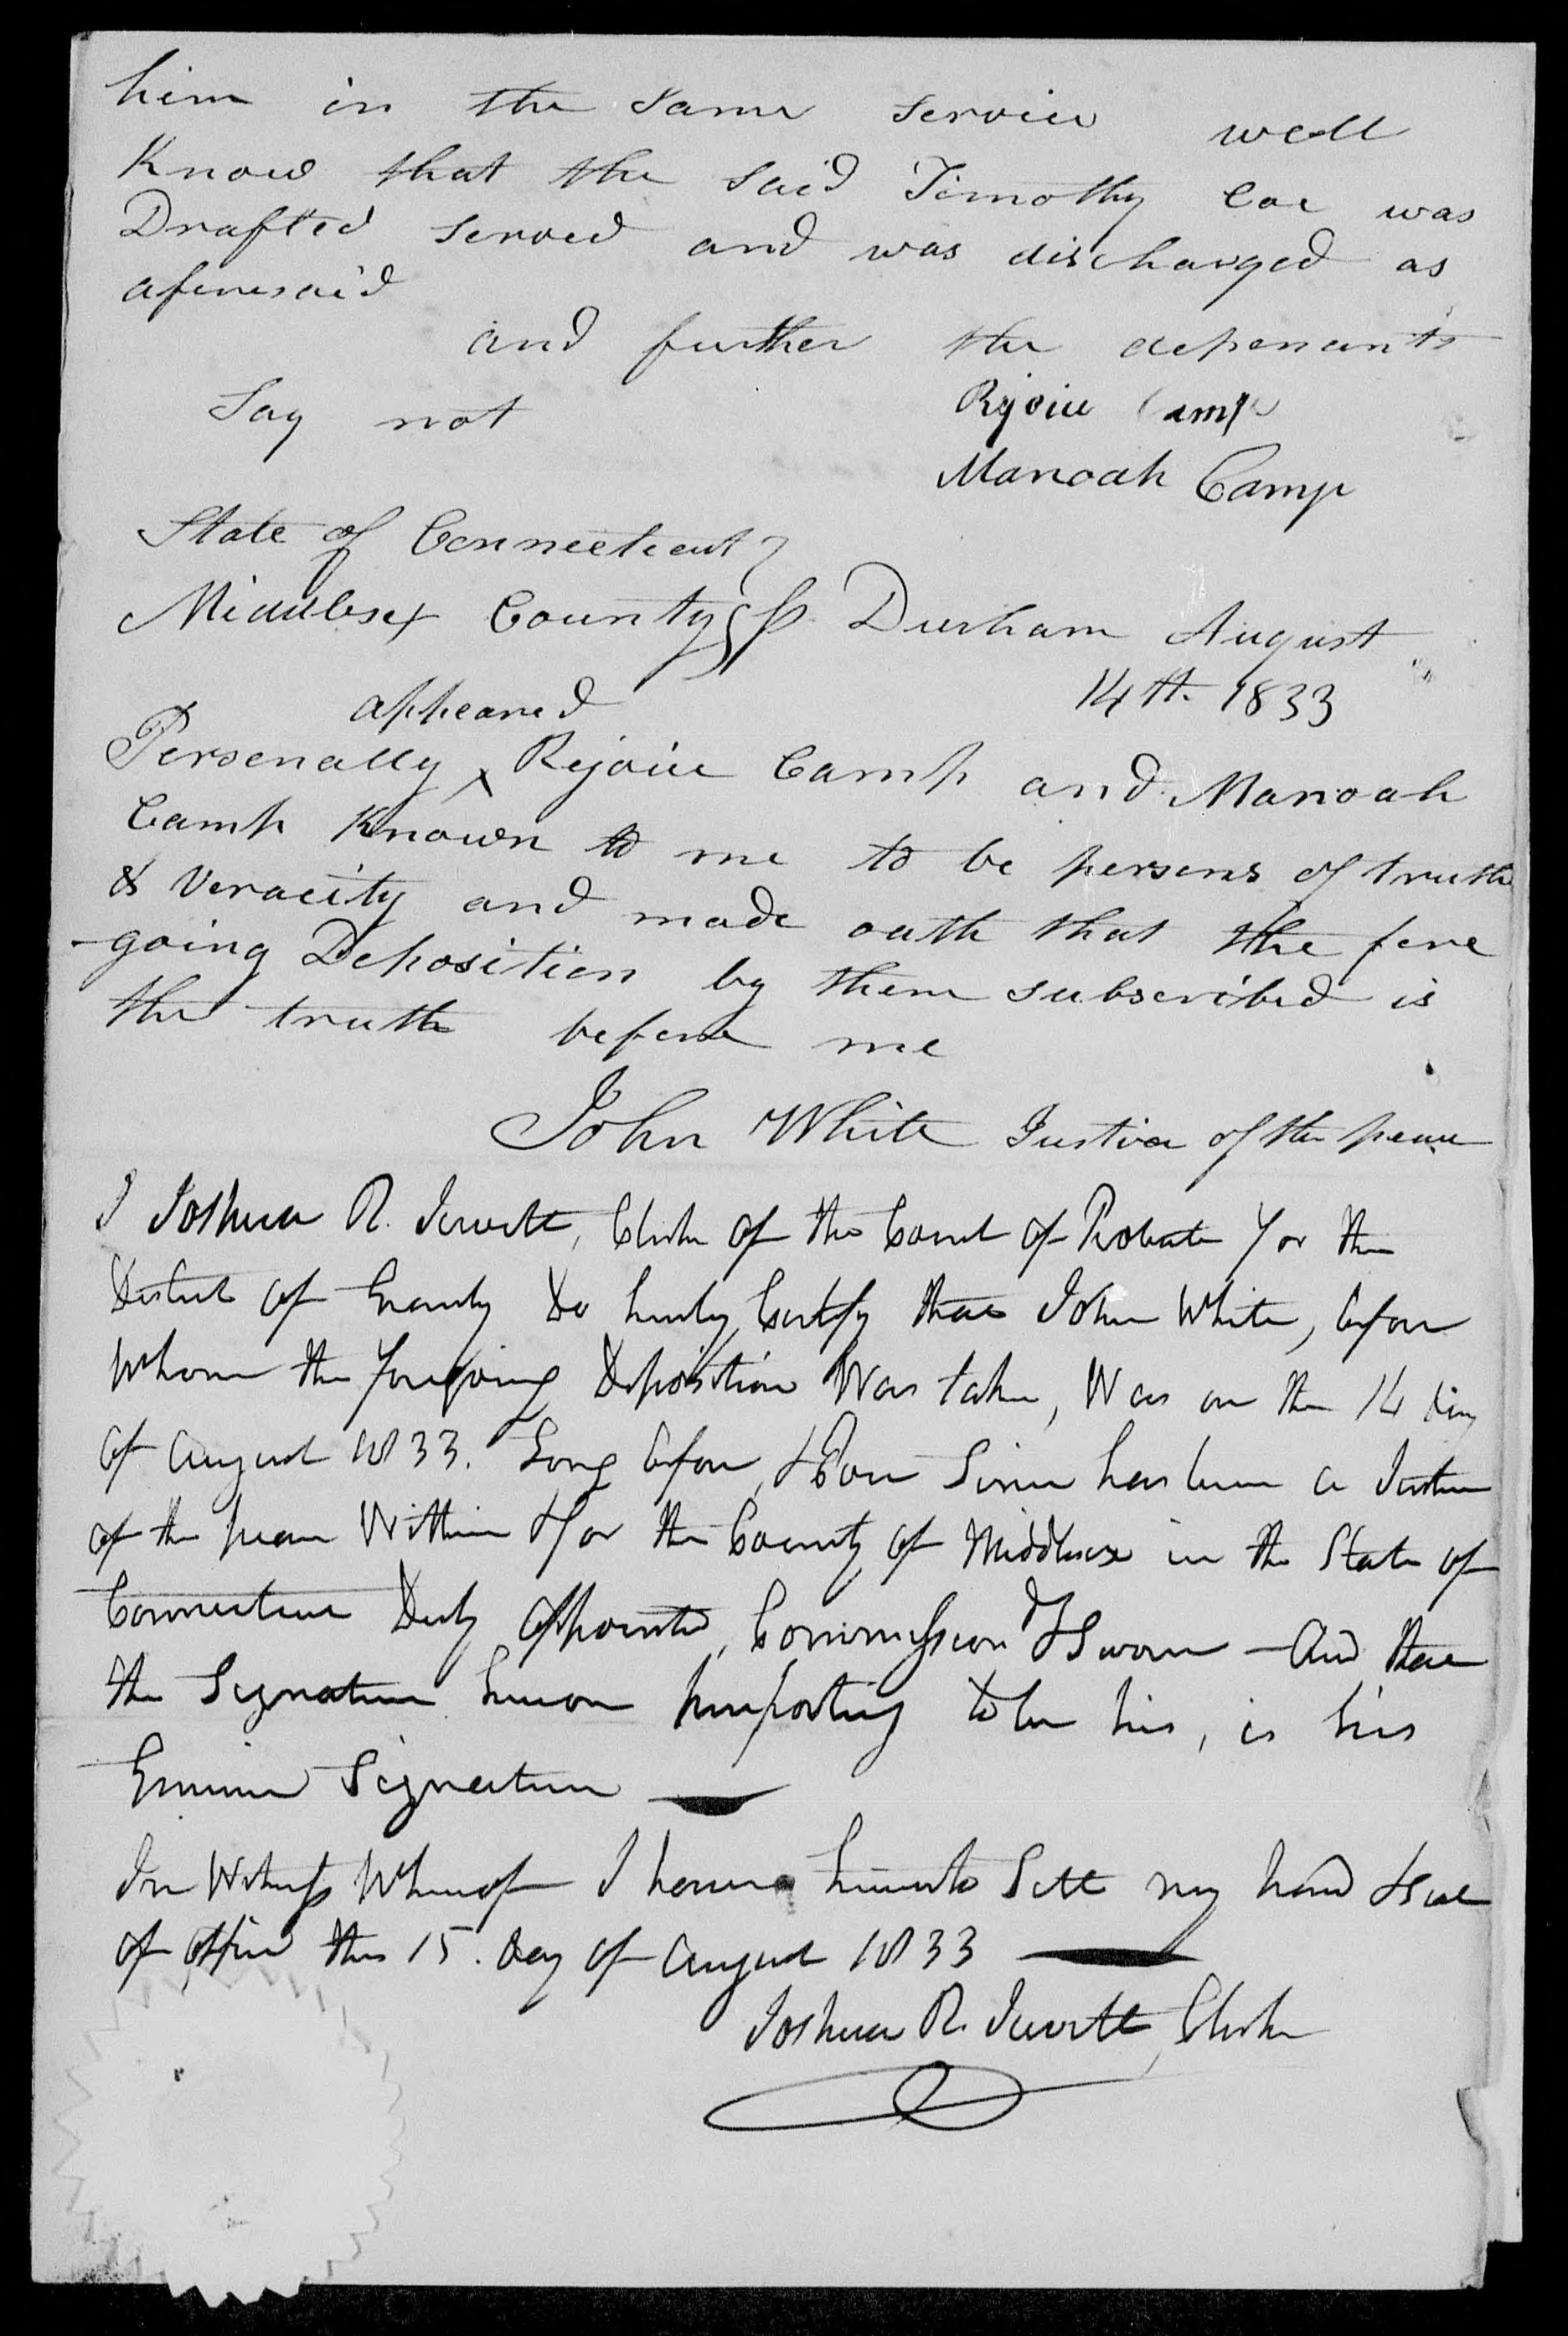him in the same service well know that the said Timothy Coe was drafted served and was discharged as aforesaid and further the deponents say not.
Rejoice Camp
Manoah Camp

State of Connecticut
Middlesex County } ss. Durham August 14th 1833
Personally appeared Rejoice Camp and Manoah Camp known to me to be persons of truth & veracity and made oath that the foregoing deposition by them subscribed is the truth before me.
John White Justice of the Peace

I Joshua R. Jewett Clerk of the Court of Probate for the District of Granby do hereby certify that John White, before whom the foregoing deposition was taken, was on the 14 day of August 1833, long before & ever since has been a Justice of the Peace within & for the County of Middlesex in the State of Connecticut duly appointed commissioned & sworn and there the signature hereon purporting to be his, is his genuine signature.
In witness whereof I have hereunto set my hand & seal of office this 15 day of August 1833.
Joshua R Jewett Clerk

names: Manoah Camp, Joshua R Jewett, Timothy Coe, John White, Joshua R Jewett, Rejoice Camp, John White, Manoah Camp, Rejoice Camp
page: 46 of 76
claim: widow's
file: W. 5,250, Timothy Coe, Conn.